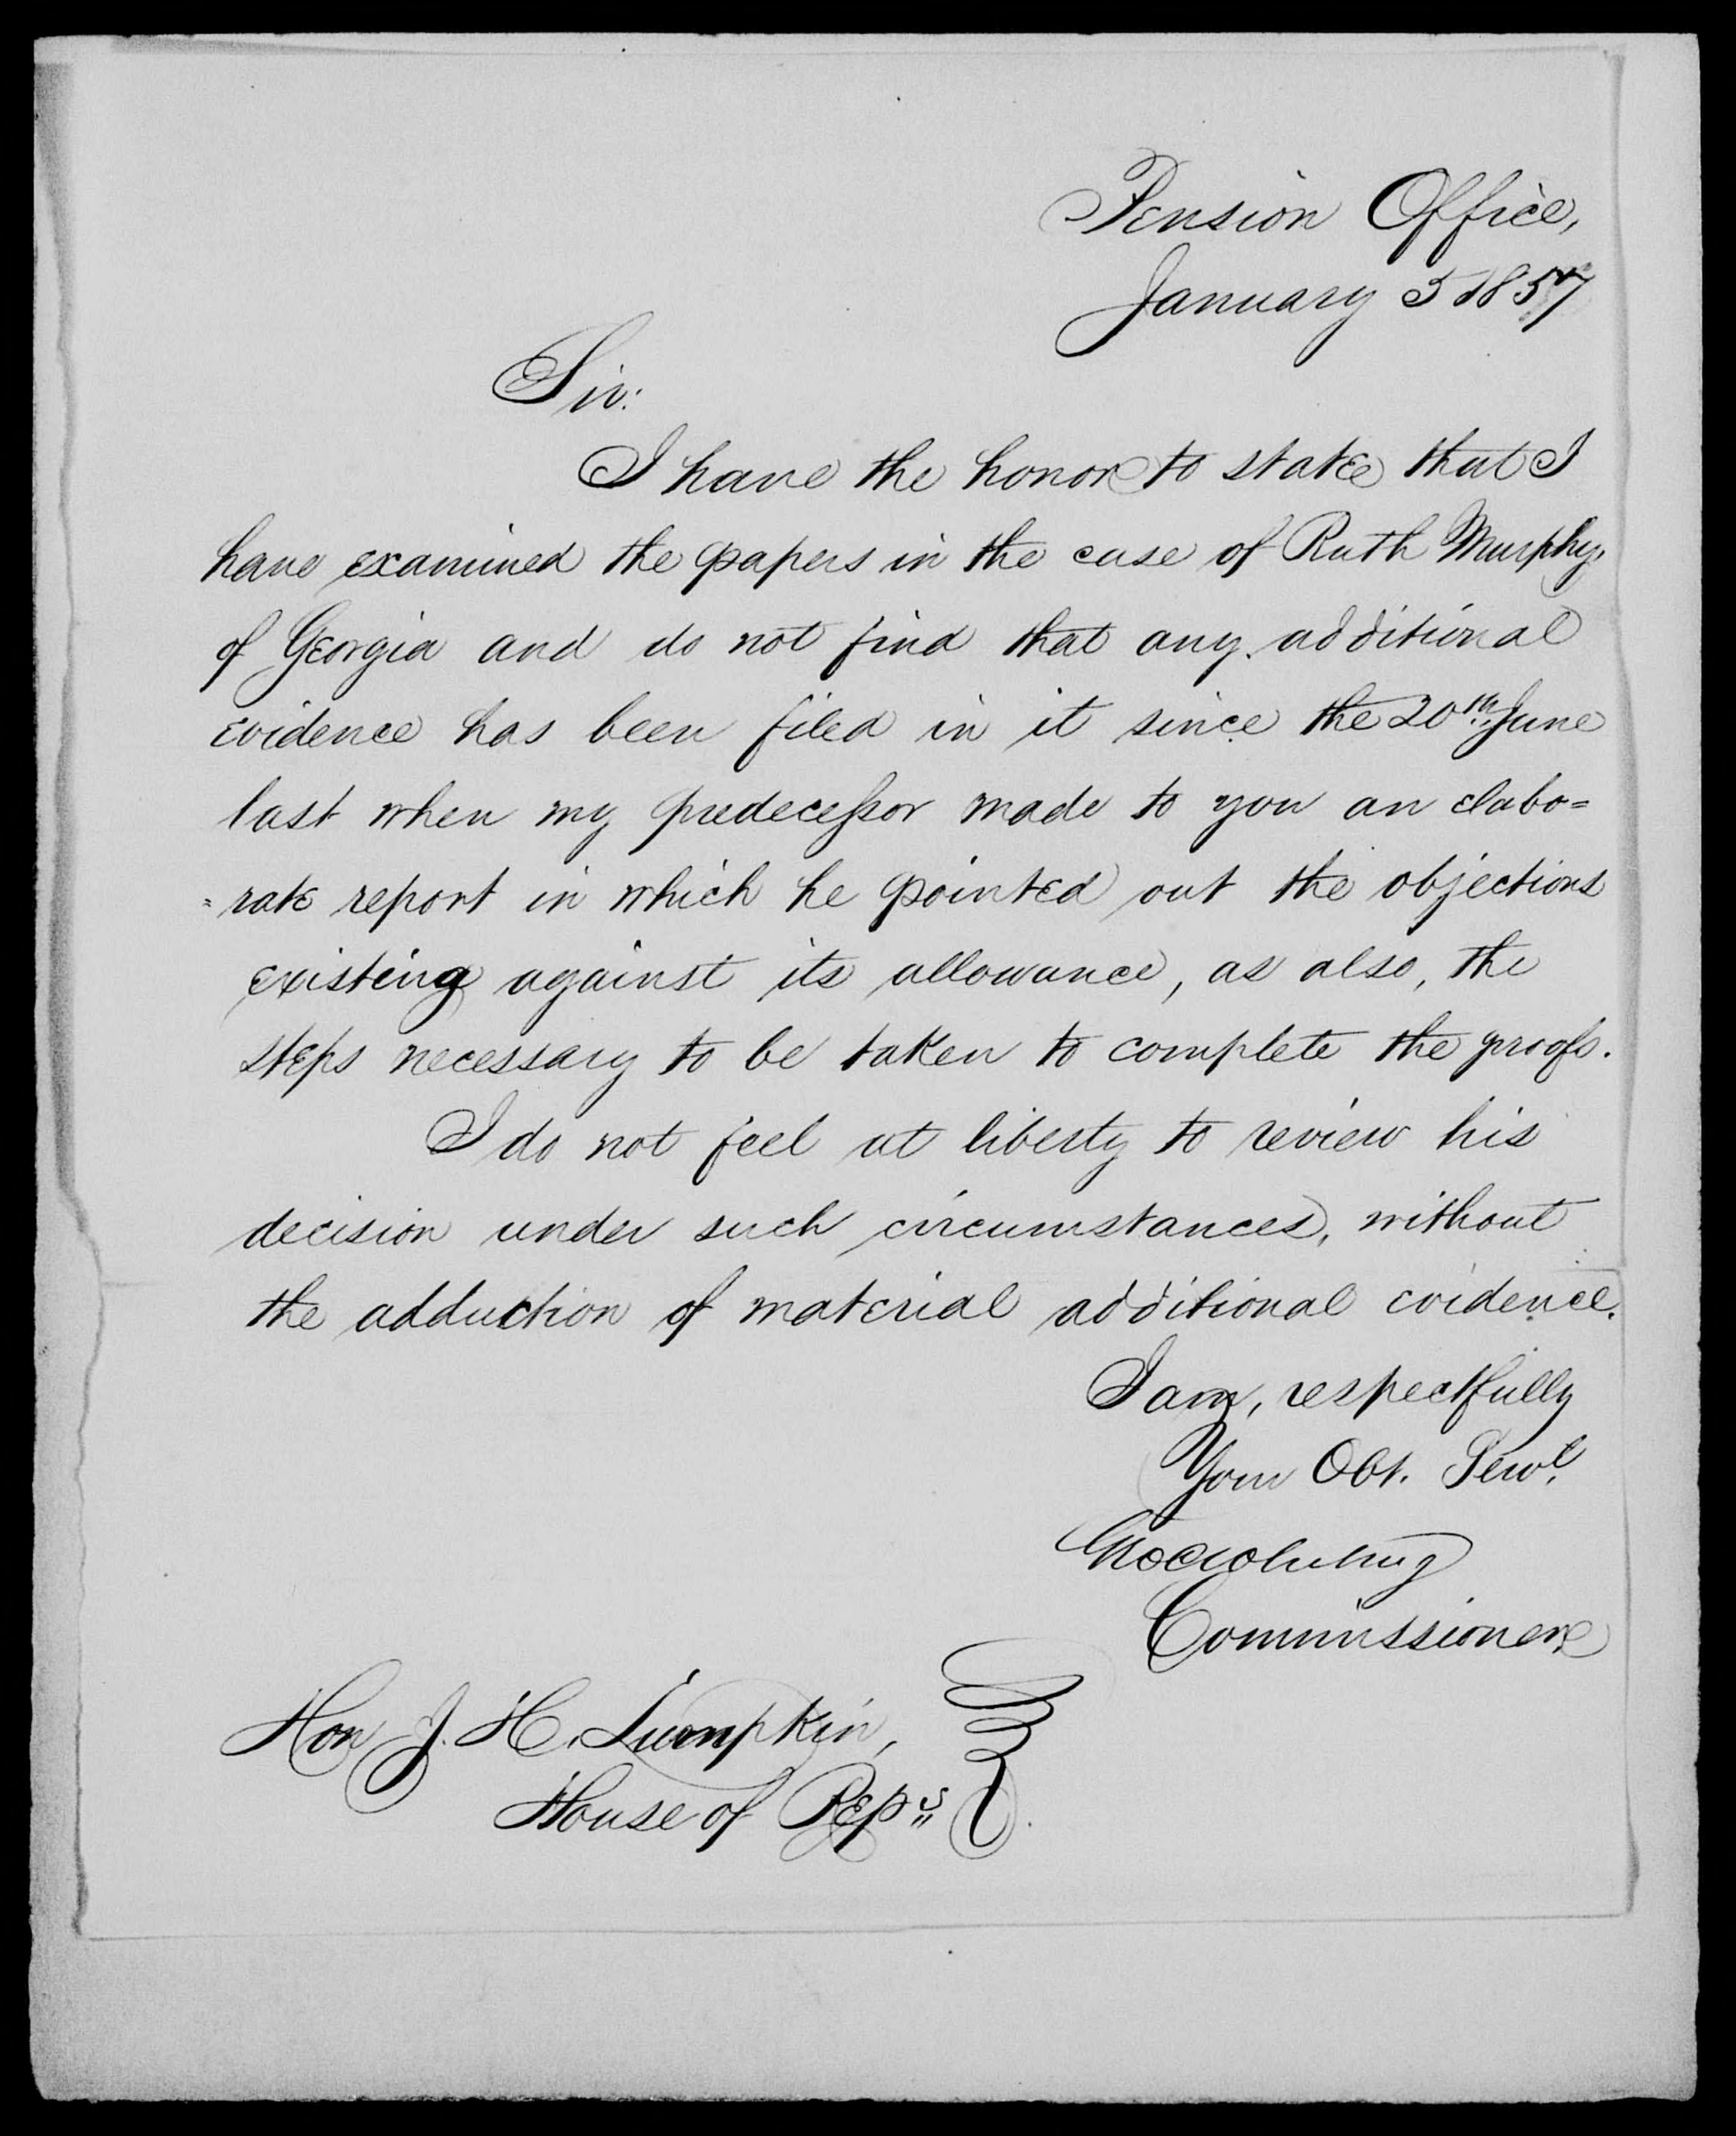Pension Office,
January 5 1857

Sir,
I have the honor to state that I have examined the papers in the case of Ruth Murphy of Georgia and do not find that any additional evidence has been filed in it since the 20th June last when my predecessor made to you an elaborate report in which he pointed out the objections existing against its allowance, as also, the steps necessary to be taken to complete the proofs. 

I do not feel at liberty to review his decision under such circumstances, without the adduchon of material additional evidence.
Vary respectfully
Your Obt Servt
Geo C Whiting
Commissioner

Hon J.H. Lumpkin,
House of Reps  (very fancy squiggle line alongside)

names: Ruth Murphy, J H Lumpkin, Geo C Whiting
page: 64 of 108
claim: rejected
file: R. 7,515, John Hudgins, N.C.